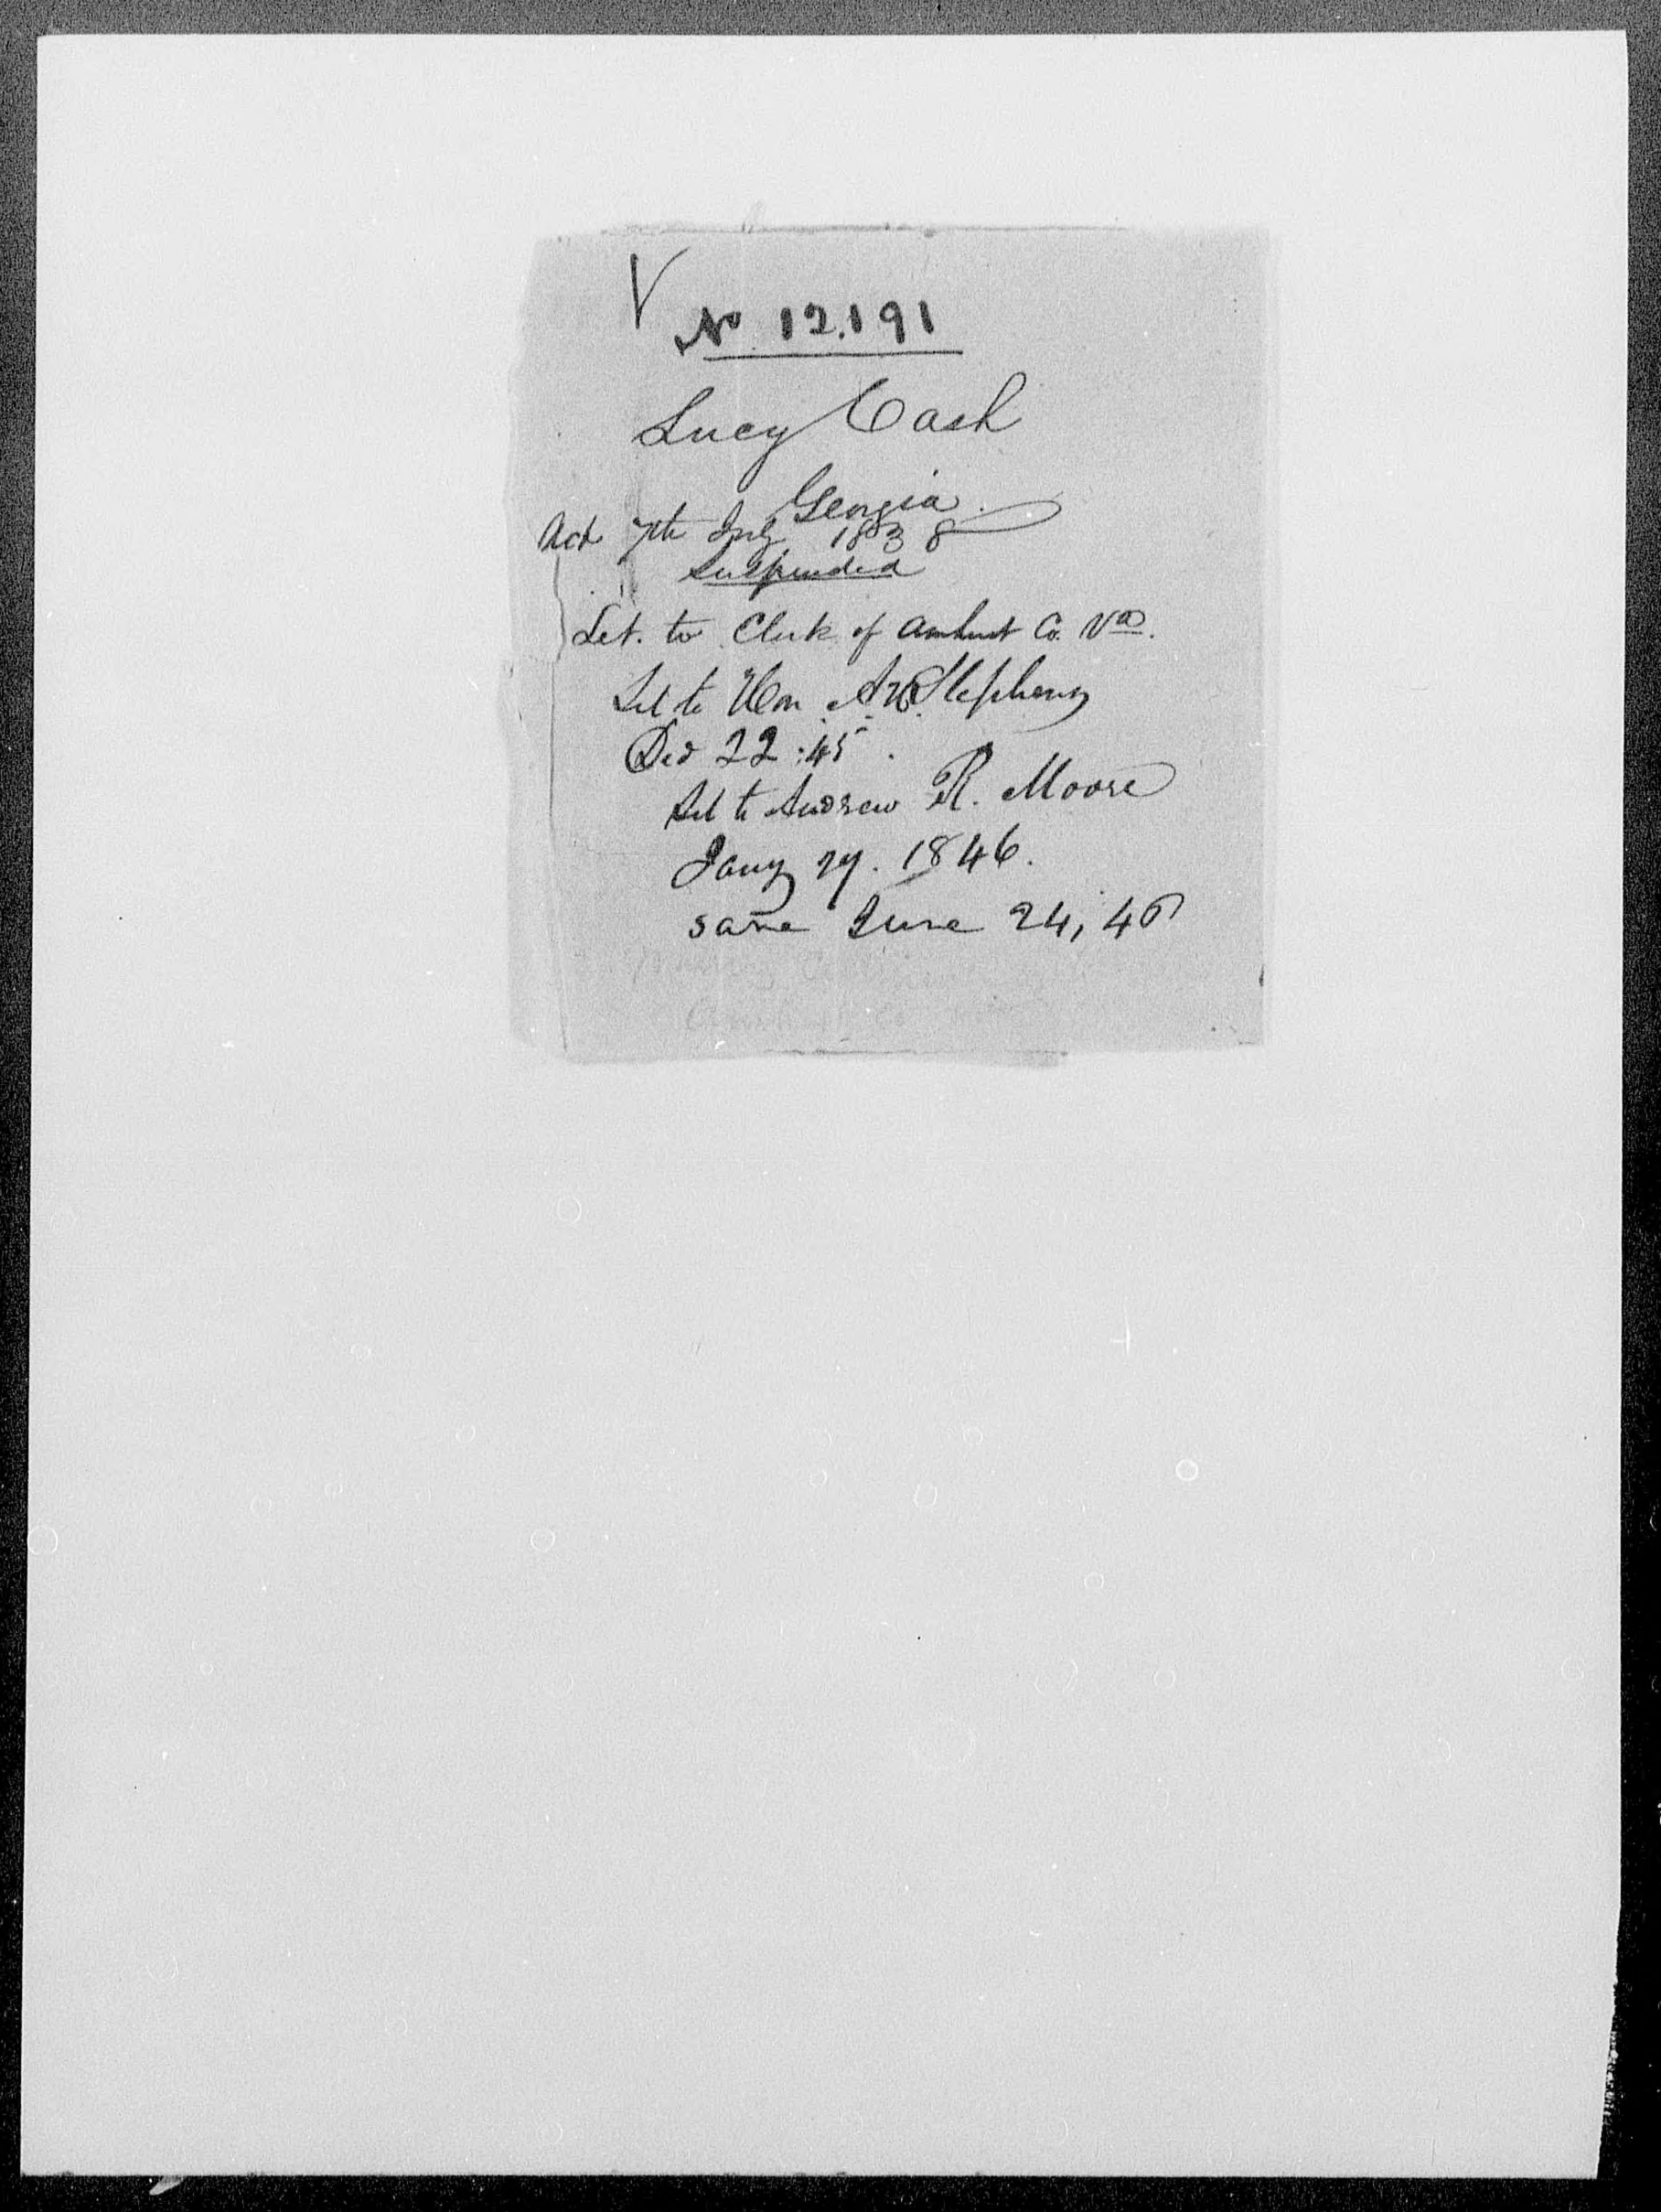No 12,191
Lucy Cash
Georgia
Act 7th 1838
Suspended

Let to Clerk of Amherst Co. V.
Let to Hon A Stephens
Dec 22:1845
Let to Andrew R. Moore
Jan 27. 1846
same June 24, 46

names: A H Stephens, Lucy Cash, Andrew R Moore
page: 26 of 73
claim: widow's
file: W. 5,894, John Cash, Va.